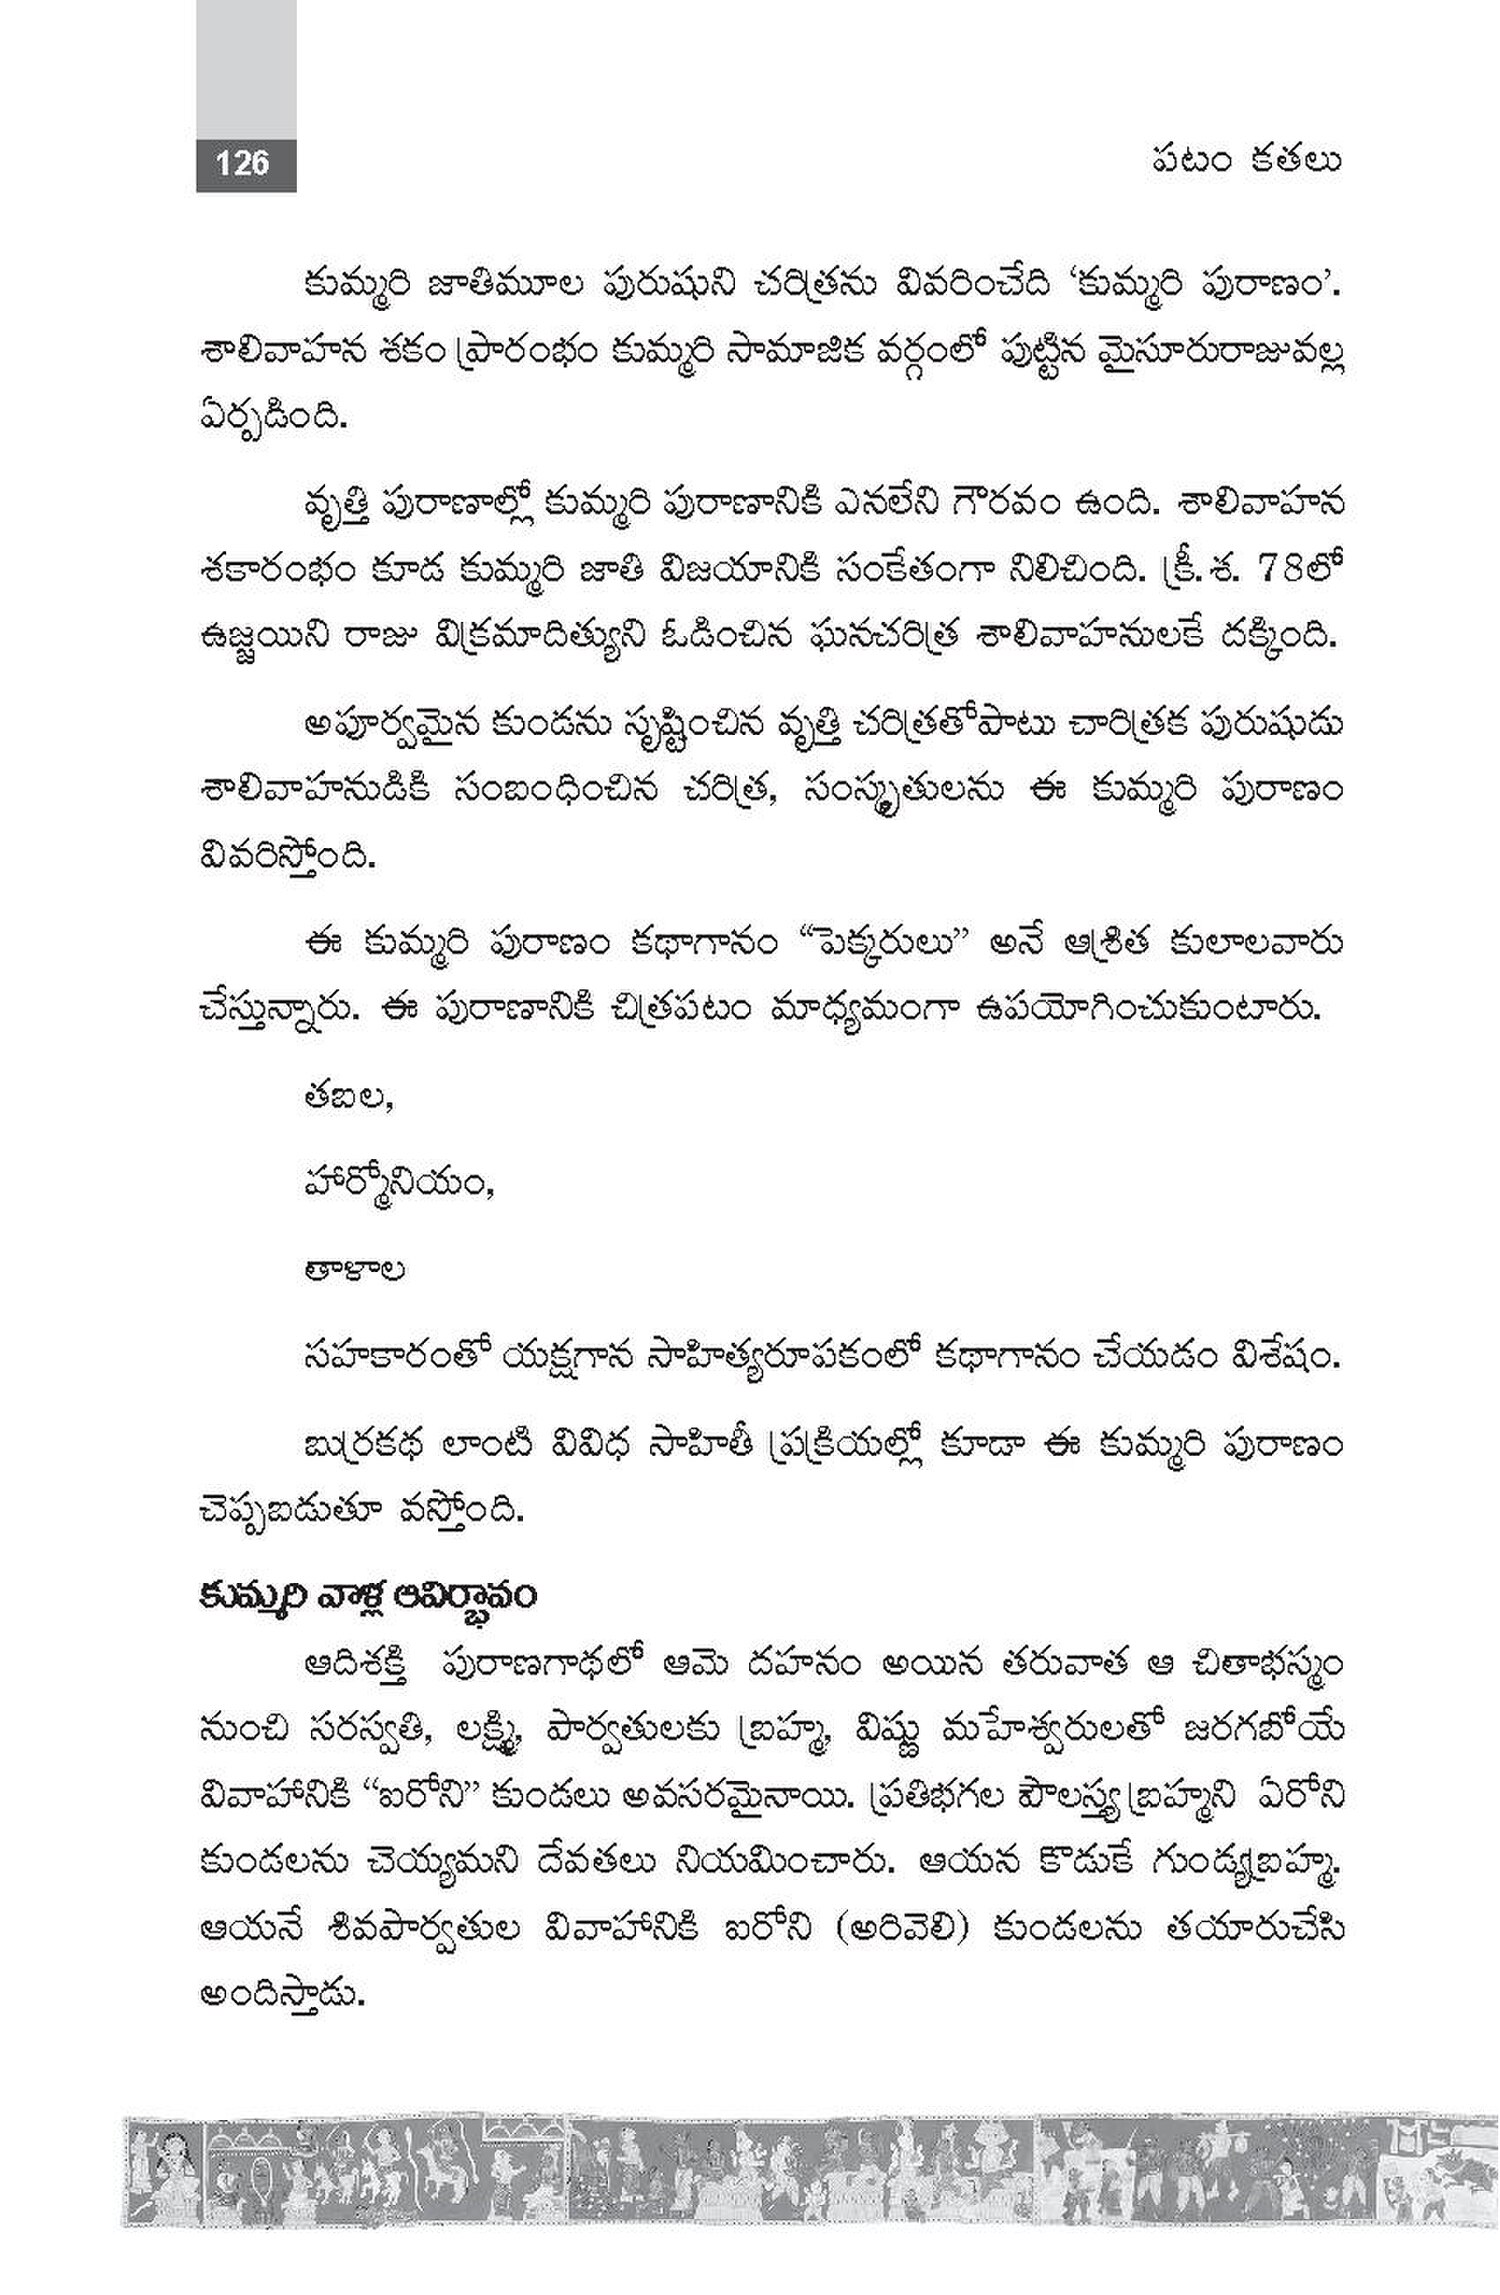కుమ్మరి జాతిమూల పురుషుని చరిత్రను వివరించేది 'కుమ్మరి పురాణం'. శాలివాహన శకం ప్రారంభం కుమ్మరి సామాజిక వర్గంలో పుట్టిన మైసూరురాజువల్ల ఏర్పడింది.

వృత్తి పురాణాల్లో కుమ్మరి పురాణానికి ఎనలేని గౌరవం ఉంది. శాలివాహన శకారంభం కూడ కుమ్మరి జాతి విజయానికి సంకేతంగా నిలిచింది. క్రీ.శ. 78లో ఉజ్జయిని రాజు విక్రమాదిత్యుని ఓడించిన ఘనచరిత్ర శాలివాహనులకే దక్కింది.

అపూర్వమైన కుండను సృష్టించిన వృత్తి చరిత్రతోపాటు చారిత్రక పురుషుడు శాలివాహనుడికి సంబంధించిన చరిత్ర, సంస్కృతులను ఈ కుమ్మరి పురాణం వివరిస్తోంది.

ఈ కుమ్మరి పురాణం కథాగానం “పెక్కరులు” అనే ఆశ్రిత కులాలవారు చేస్తున్నారు. ఈ పురాణానికి చిత్రపటం మాధ్యమంగా ఉపయోగించుకుంటారు.
తబల,
హార్మోనియం,
తాళాల
సహకారంతో యక్షగాన సాహిత్యరూపకంలో కథాగానం చేయడం విశేషం.

బుర్రకథ లాంటి వివిధ సాహితీ ప్రక్రియల్లో కూడా ఈ కుమ్మరి పురాణం చెప్పబడుతూ వస్తోంది.

కుమ్మరి వాళ్ల ఆవిర్భావం 

ఆదిశక్తి పురాణగాథలో ఆమె దహనం అయిన తరువాత ఆ చితాభస్మం నుంచి సరస్వతి, లక్ష్మి, పార్వతులకు బ్రహ్మ, విష్ణు మహేశ్వరులతో జరగబోయే వివాహానికి “బరోని” కుండలు అవసరమైనాయి. ప్రతిభగల పౌలస్త్యబ్రహ్మని ఏరోని
కుండలను చెయ్యమని దేవతలు నియమించారు. ఆయన కొడుకే గుండ్యబ్రహ్మ. ఆయనే శివపార్వతుల వివాహానికి బరోని (అరివెలి) కుండలను తయారుచేసి అందిస్తాడు.